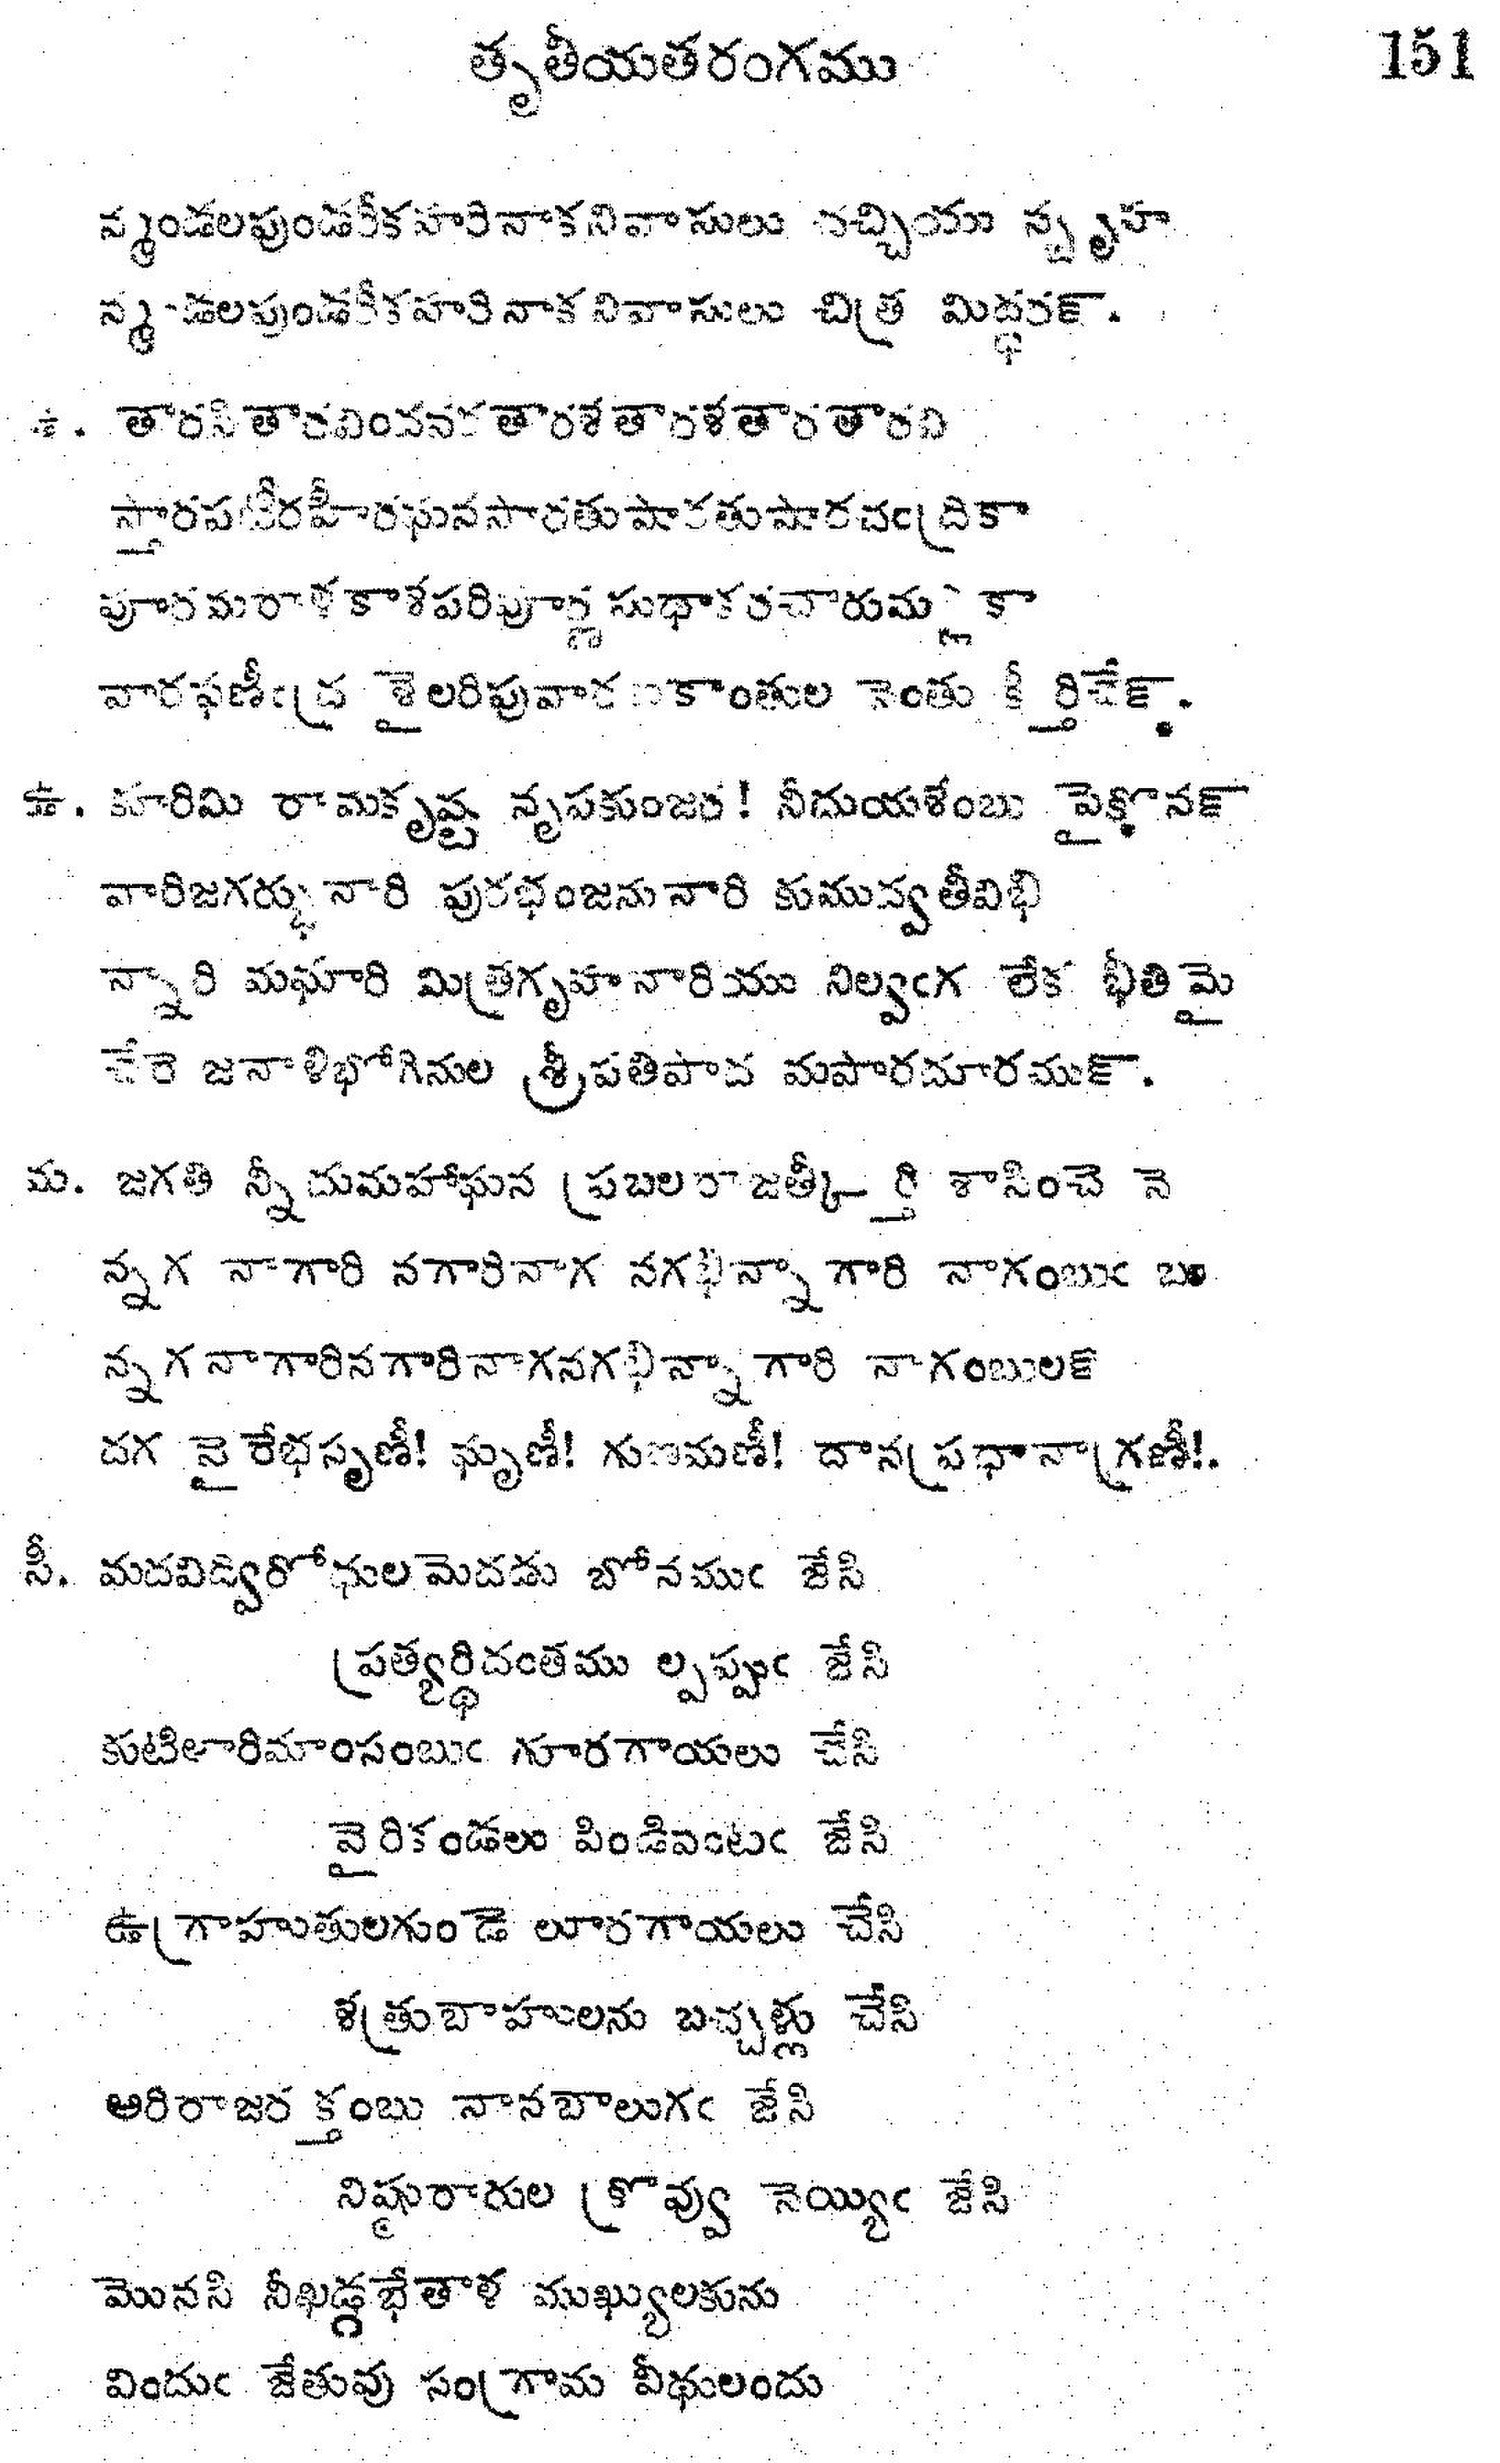న్మండలపుండరీకహరినాకనివాసులు చచ్చియు న్బృహ
 న్మండలపుండరీకహరినాకనివాసులు చిత్ర మిద్ధరన్.

ఉ. తారసితారవిందనరతారశతారశతారతారవి
 స్తారపటీరహీరఘనసారతుషారతుషారచంద్రికా
 పూరమరాళకాశపరిపూర్ణసుధాకరచారుమల్లికా
 వారఫణీంద్రశైలరిపువారణకాంతుల నెంతు కీర్తిచేన్.

ఉ. కూరిమి రామకృష్ణ నృపకుంజర! నీదుయశంబు పైకొనన్
 వారిజగర్భునారి పురభంజనునారి కుముద్వతీవిభి
 న్నారి మఘారి మిత్రగృహనారియు నిల్వఁగ లేక భీతిమై
 చేరె జనాళిభోగినుల శ్రీపతిపాద మపారదూరమున్.

మ. జగతి న్నీదుమహాఘనప్రబలరాజత్కీర్తి శాసించె నె
 న్నగ నాగారి నగారినాగ నగభిన్నాగారి నాగంబుఁ బు
 న్నగనాగారినగారినాగనగభిన్నాగారి నాగంబులన్
 దగ వైరేభసృణీ! ఘృణీ! గుణమణీ! దానప్రధానాగ్రణీ!

సీ. మదవిద్విరోధులమెదడు బోనముఁ జేసి
 ప్రత్యర్థిదంతము ల్పప్పుఁ జేసి
 కుటిలారిమాంసంబుఁ గూరగాయలు చేసి
 వైరికండలు పిండివంటఁ జేసి
 ఉగ్రాహతులగుండె లూరగాయలు చేసి
 శత్రుబాహులను బచ్చళ్ళు చేసి
 అరిరాజరక్తంబు నానబాలుగఁ జేసి
 నిష్ఠురారుల క్రొవ్వు నెయ్యిఁ జేసి
 మొనసి నీఖడ్గభేతాళముఖ్యులకును
 విందుఁ జేతువు సంగ్రామవీథులందు